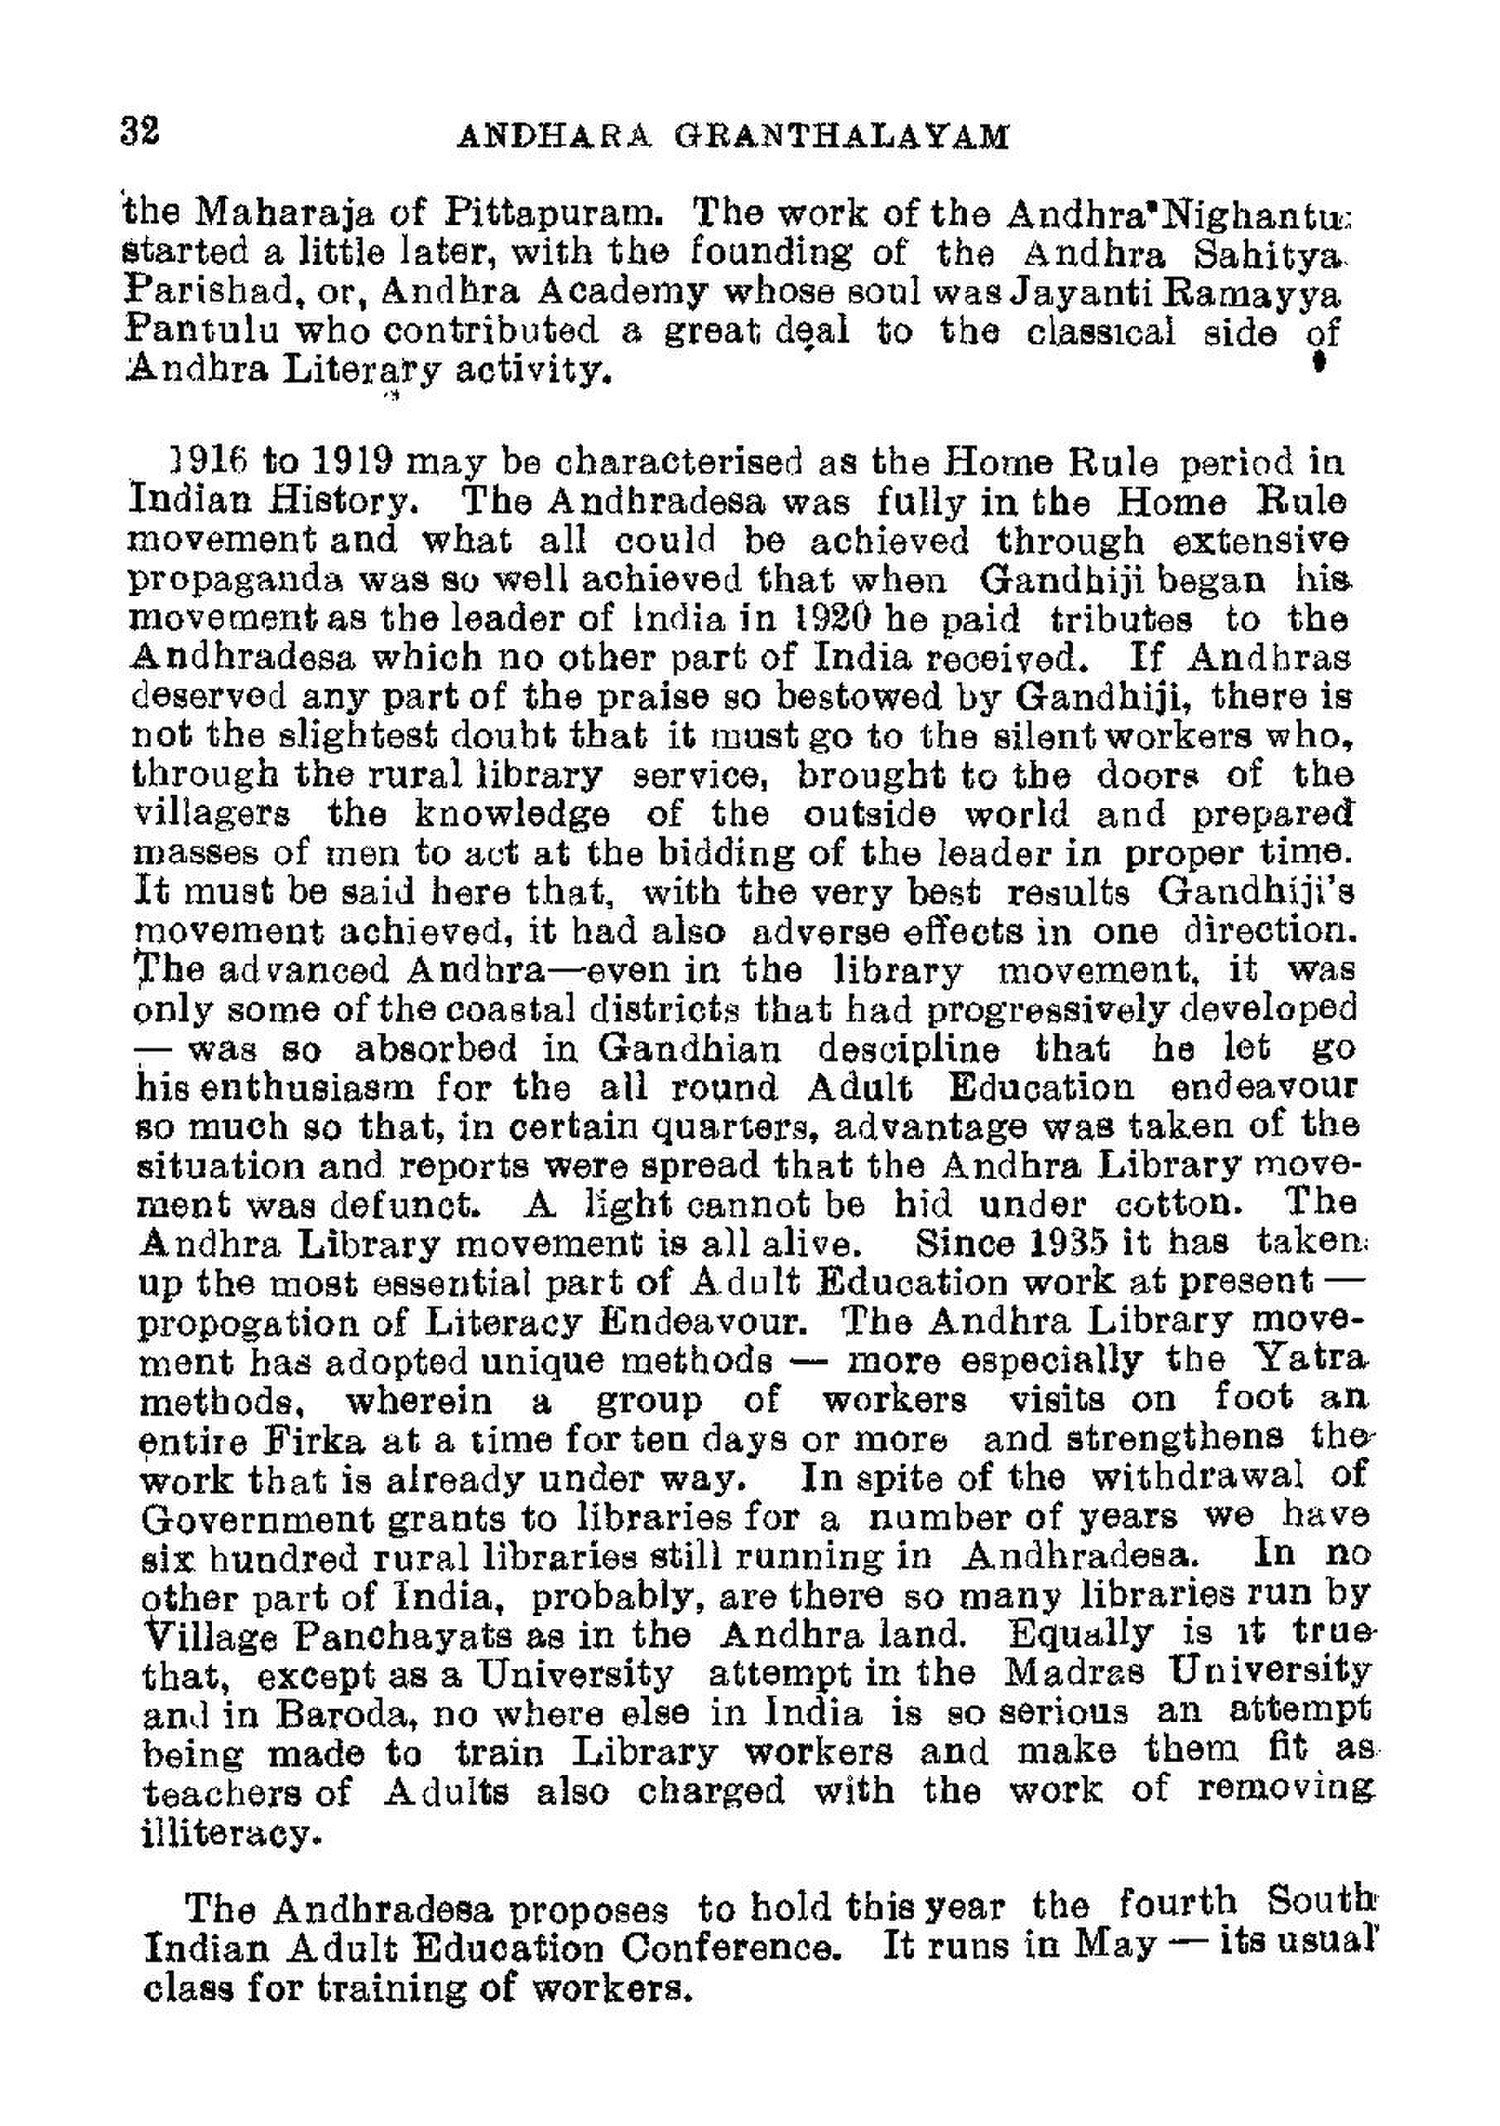the Maharaja of Pittapuram. The work of the Andhra Nighantu: started a little later, with the founding of the Andhra Sahitya Parishad, or, Andhra Academy whose soul was Jayanti Ramayya Pantulu who contributed a great deal to the classical side of Andhra Literary activity.

1916 to 1919 may be characterized as the Home Rule period in Indian History. The Andhradesa was fully in the Home Rule movement and what all could be achieved through extensive propaganda was so well achieved that when Gandhiji began his movement as the leader of India in 1920 he paid tributes to the Andhradesa which no other part of India received. If Andhras deserved any part of the praise so bestowed by Gandhiji, there is not the slightest doubt 
that it must go to the silent workers who, through the rural library service, brought to the doors of the
villagers the knowledge of the outside world and prepared masses of men to act at the bidding of the leader in proper time. It must be said here that, with the very best results Gandhiji's movement achieved, it had also adverse effects in one direction. The advanced Andhra-even in the library movement, it was only some of the 
coastal districts that had progressively developed was so absorbed in Gandhian discipline that he let go
his enthusiasm for the all round Adult Education endeavor so much so that, in certain quarters, advantage was 
taken of the situation and reports were spread that the Andhra Library movement was defunct. A light cannot be
hid under cotton. The Andhra Library movement is all alive. Since 1935 it has taken up the most essential part 
of Adult Education work at present - propagation of Literacy Endeavour. The Andhra Library movement has adopted unique methods - more especially the Yatra methods, wherein a group of workers visits on foot an entire Firka 
at a time for ten days or more and strengthens the work that is already under way. In spite of the withdrawal 
of Government grants to libraries for a number of years we have six hundred rural libraries still running in Andhradesa. In no other part of India, probably, are there so many libraries run by Village Panchayats as in 
the Andhra land. Equally is it true that, except as a University attempt in the Madras University and in Baroda, 
no where else in India is so serious an attempt being made to train Library workers and make them fit as
teachers of Adults also charged with the work of removing illiteracy.

The Andhradesa proposes to hold this year the fourth South Indian Adult Education Conference. It runs in
May - its usual class for training of workers.